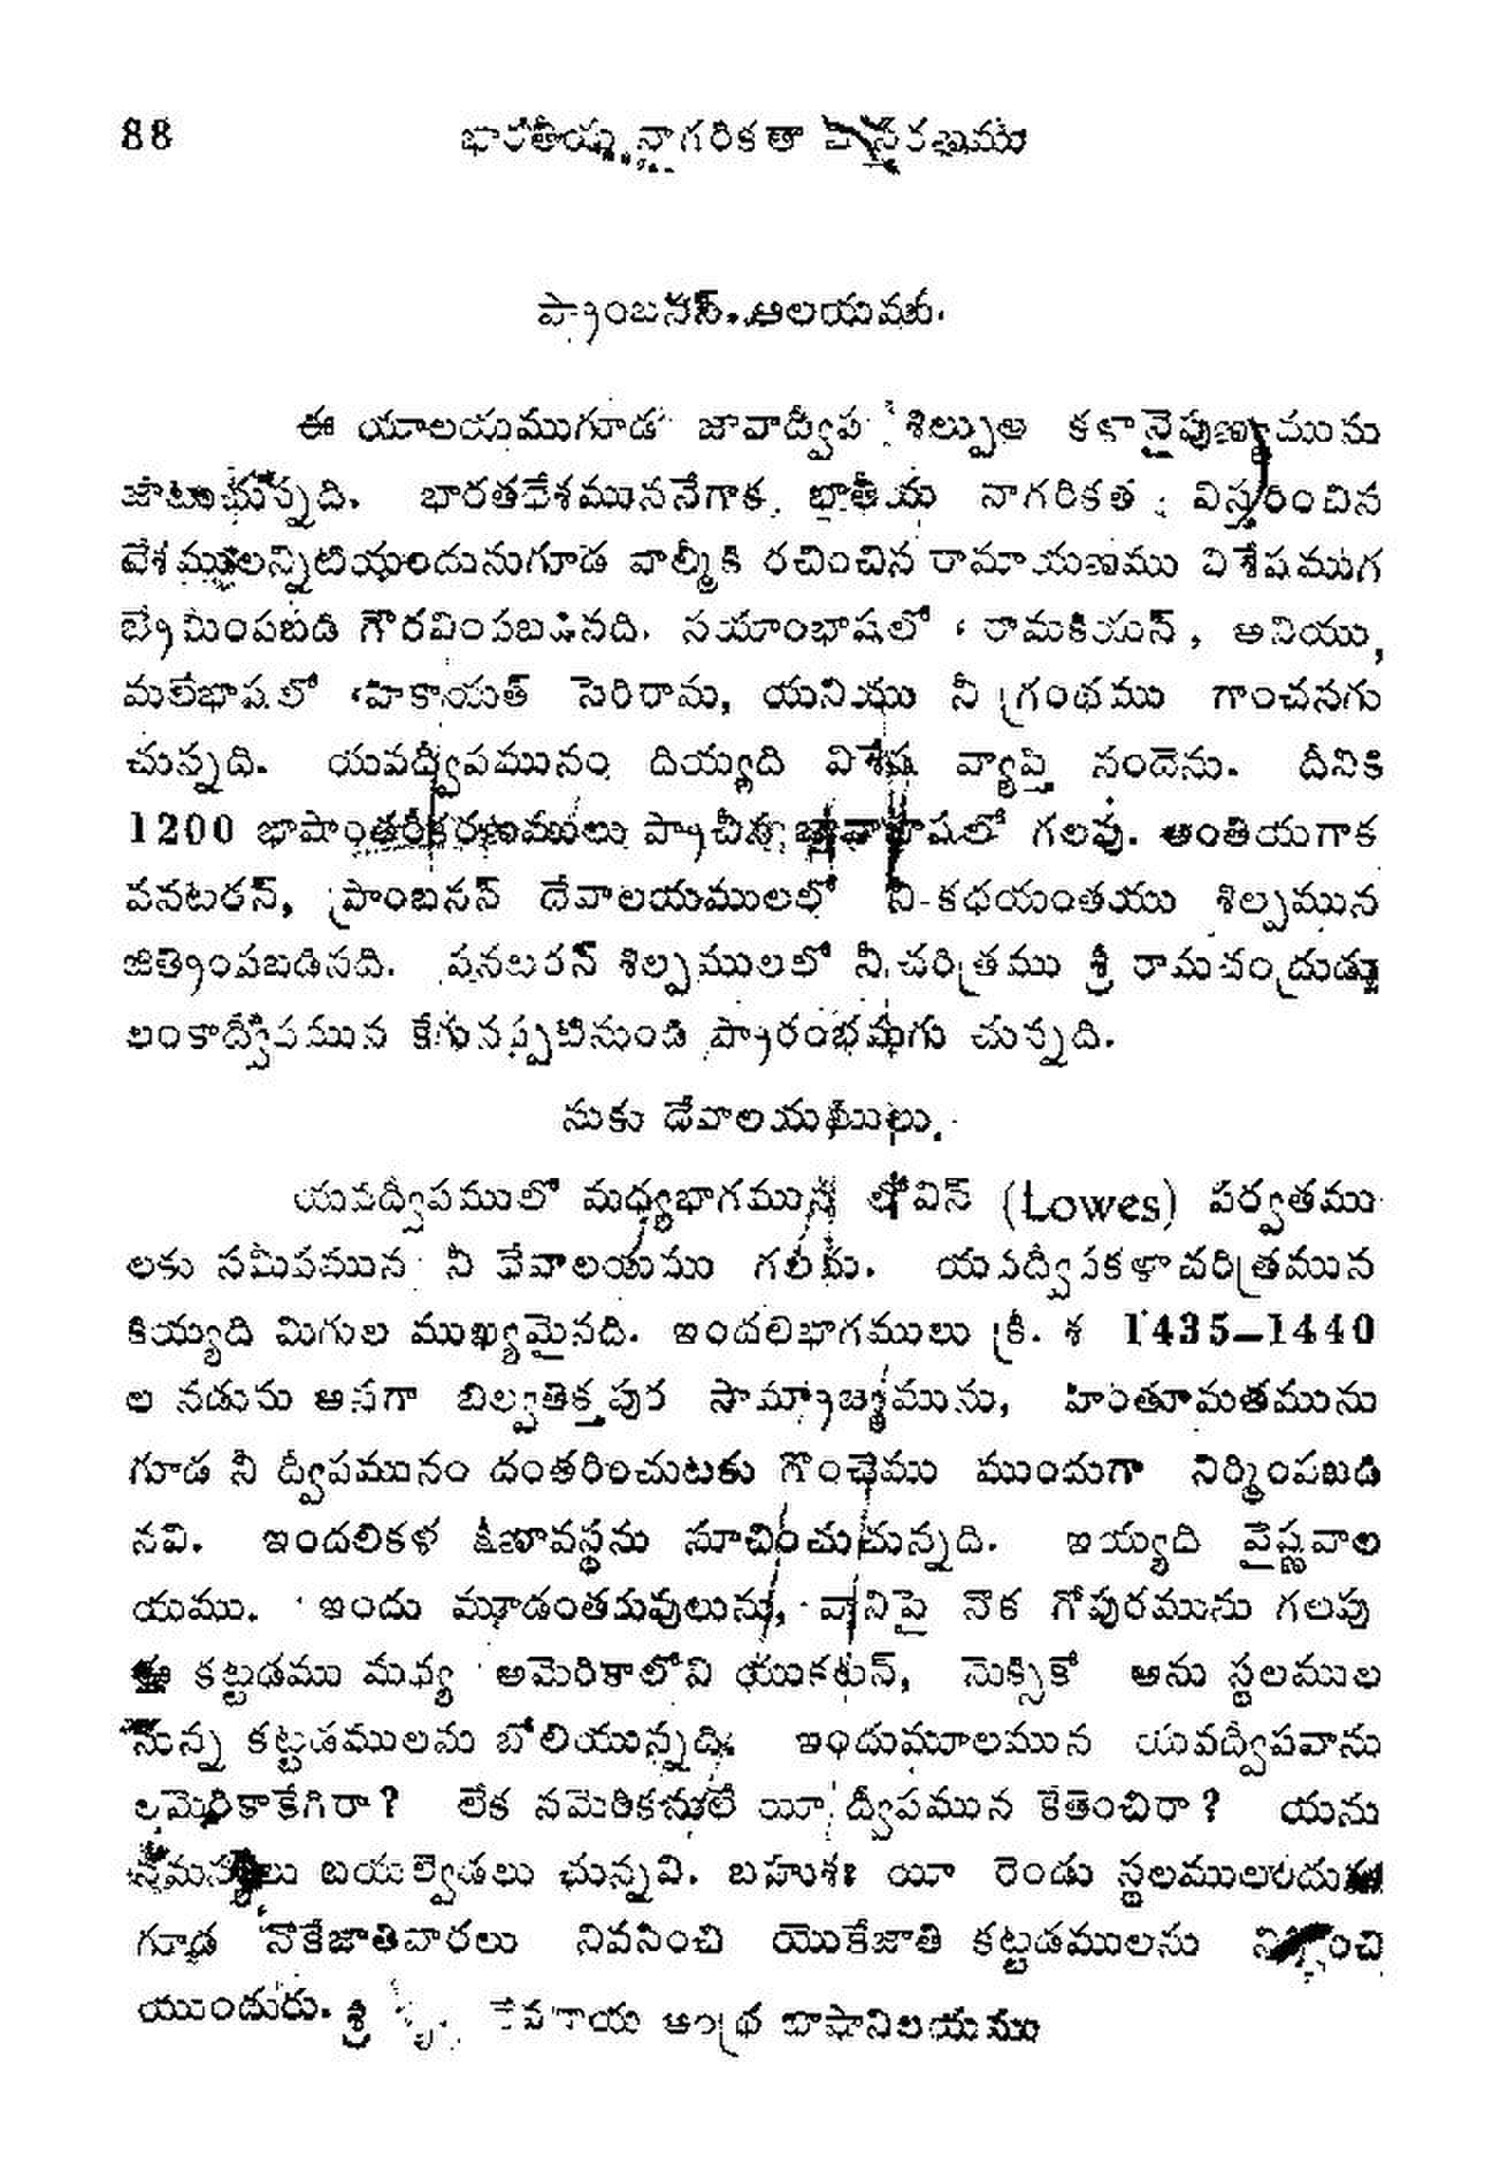ఈ యాలయముగూడ జావాద్వీప 'శిల్పుల కళానైపుణ్యమును జాటుచున్నది. భారతదేశముననేగాక, భారతీయ నాగరికత విస్తరించిన దేశములన్నిటియందునుగూడ వాల్మీకి రచించిన రామాయణము విశేషముగ బ్రేమింపబడి గౌరవింపబడినది. నయాంభాషలో 'రామకియన్, అనియు, మలేభాషలో హికాయత్ సెరిరామ, యనియు నీ గ్రంథము గాంచనగుచున్నది. యవద్వీపమునం దియ్యది విశేష వ్యాప్తి నందెను. దీనికి 1200 భాషాంతరీకరణములు ప్రాచీన జావాభాషలో గలవు. అంతియగాక వనటరన్, ప్రాంబనన్ దేవాలయములలో నీ-కథయంతయు శిల్పమున జిత్రింపబడినది. వనటరన్ శిల్పములలో నీ చరిత్రము శ్రీరామచంద్రుడు లంకాద్వీపమున కేగునప్పటినుండి ప్రారంభమగు చున్నది.

యవద్వీపములో మధ్యభాగమున లోవిస్ (Lowes) పర్వతములకు సమీపమున నీ దేవాలయము గలదు. యవద్వీపకళా చరిత్రమున కియ్యది మిగుల ముఖ్యమైనది. ఇందలిభాగములు క్రీ. శ. 1435-1440 ల నడుమ అనగా బిల్వతిక్తపుర సామ్రాజ్యమును, హిందూమతమును గూడ నీ ద్వీపమునం దంతరించుటకు గొంచెము ముందుగా నిర్మింపబడినవి. ఇందలికళ క్షీణావస్థను సూచించుచున్నది. ఇయ్యది వైష్ణవాలయము. ఇందు మూడంతరువులును, వానిపై నొక గోపురమును గలవు. ఈ కట్టడము మధ్య అమెరికాలోని యుకటస్, మెక్సికో అను స్థలముల నున్న కట్టడములను బోలియున్నది. ఇందుమూలమున యవద్వీపవాసు లమెరికాకేగిరా? లేక నమెరికనులే యీ ద్వీపమున కేతెంచిరా? యను సమస్యలు బయల్వెడలు చున్నవి. బహుశ: యీ రెండు స్థలములందును గూడ నొకేజాతివారలు నివసించి యొకేజాతి కట్టడములను నిర్మించి యుందురు. శ్రీకృష్ణదేవరాయ ఆంధ్ర భాషానిలయము.